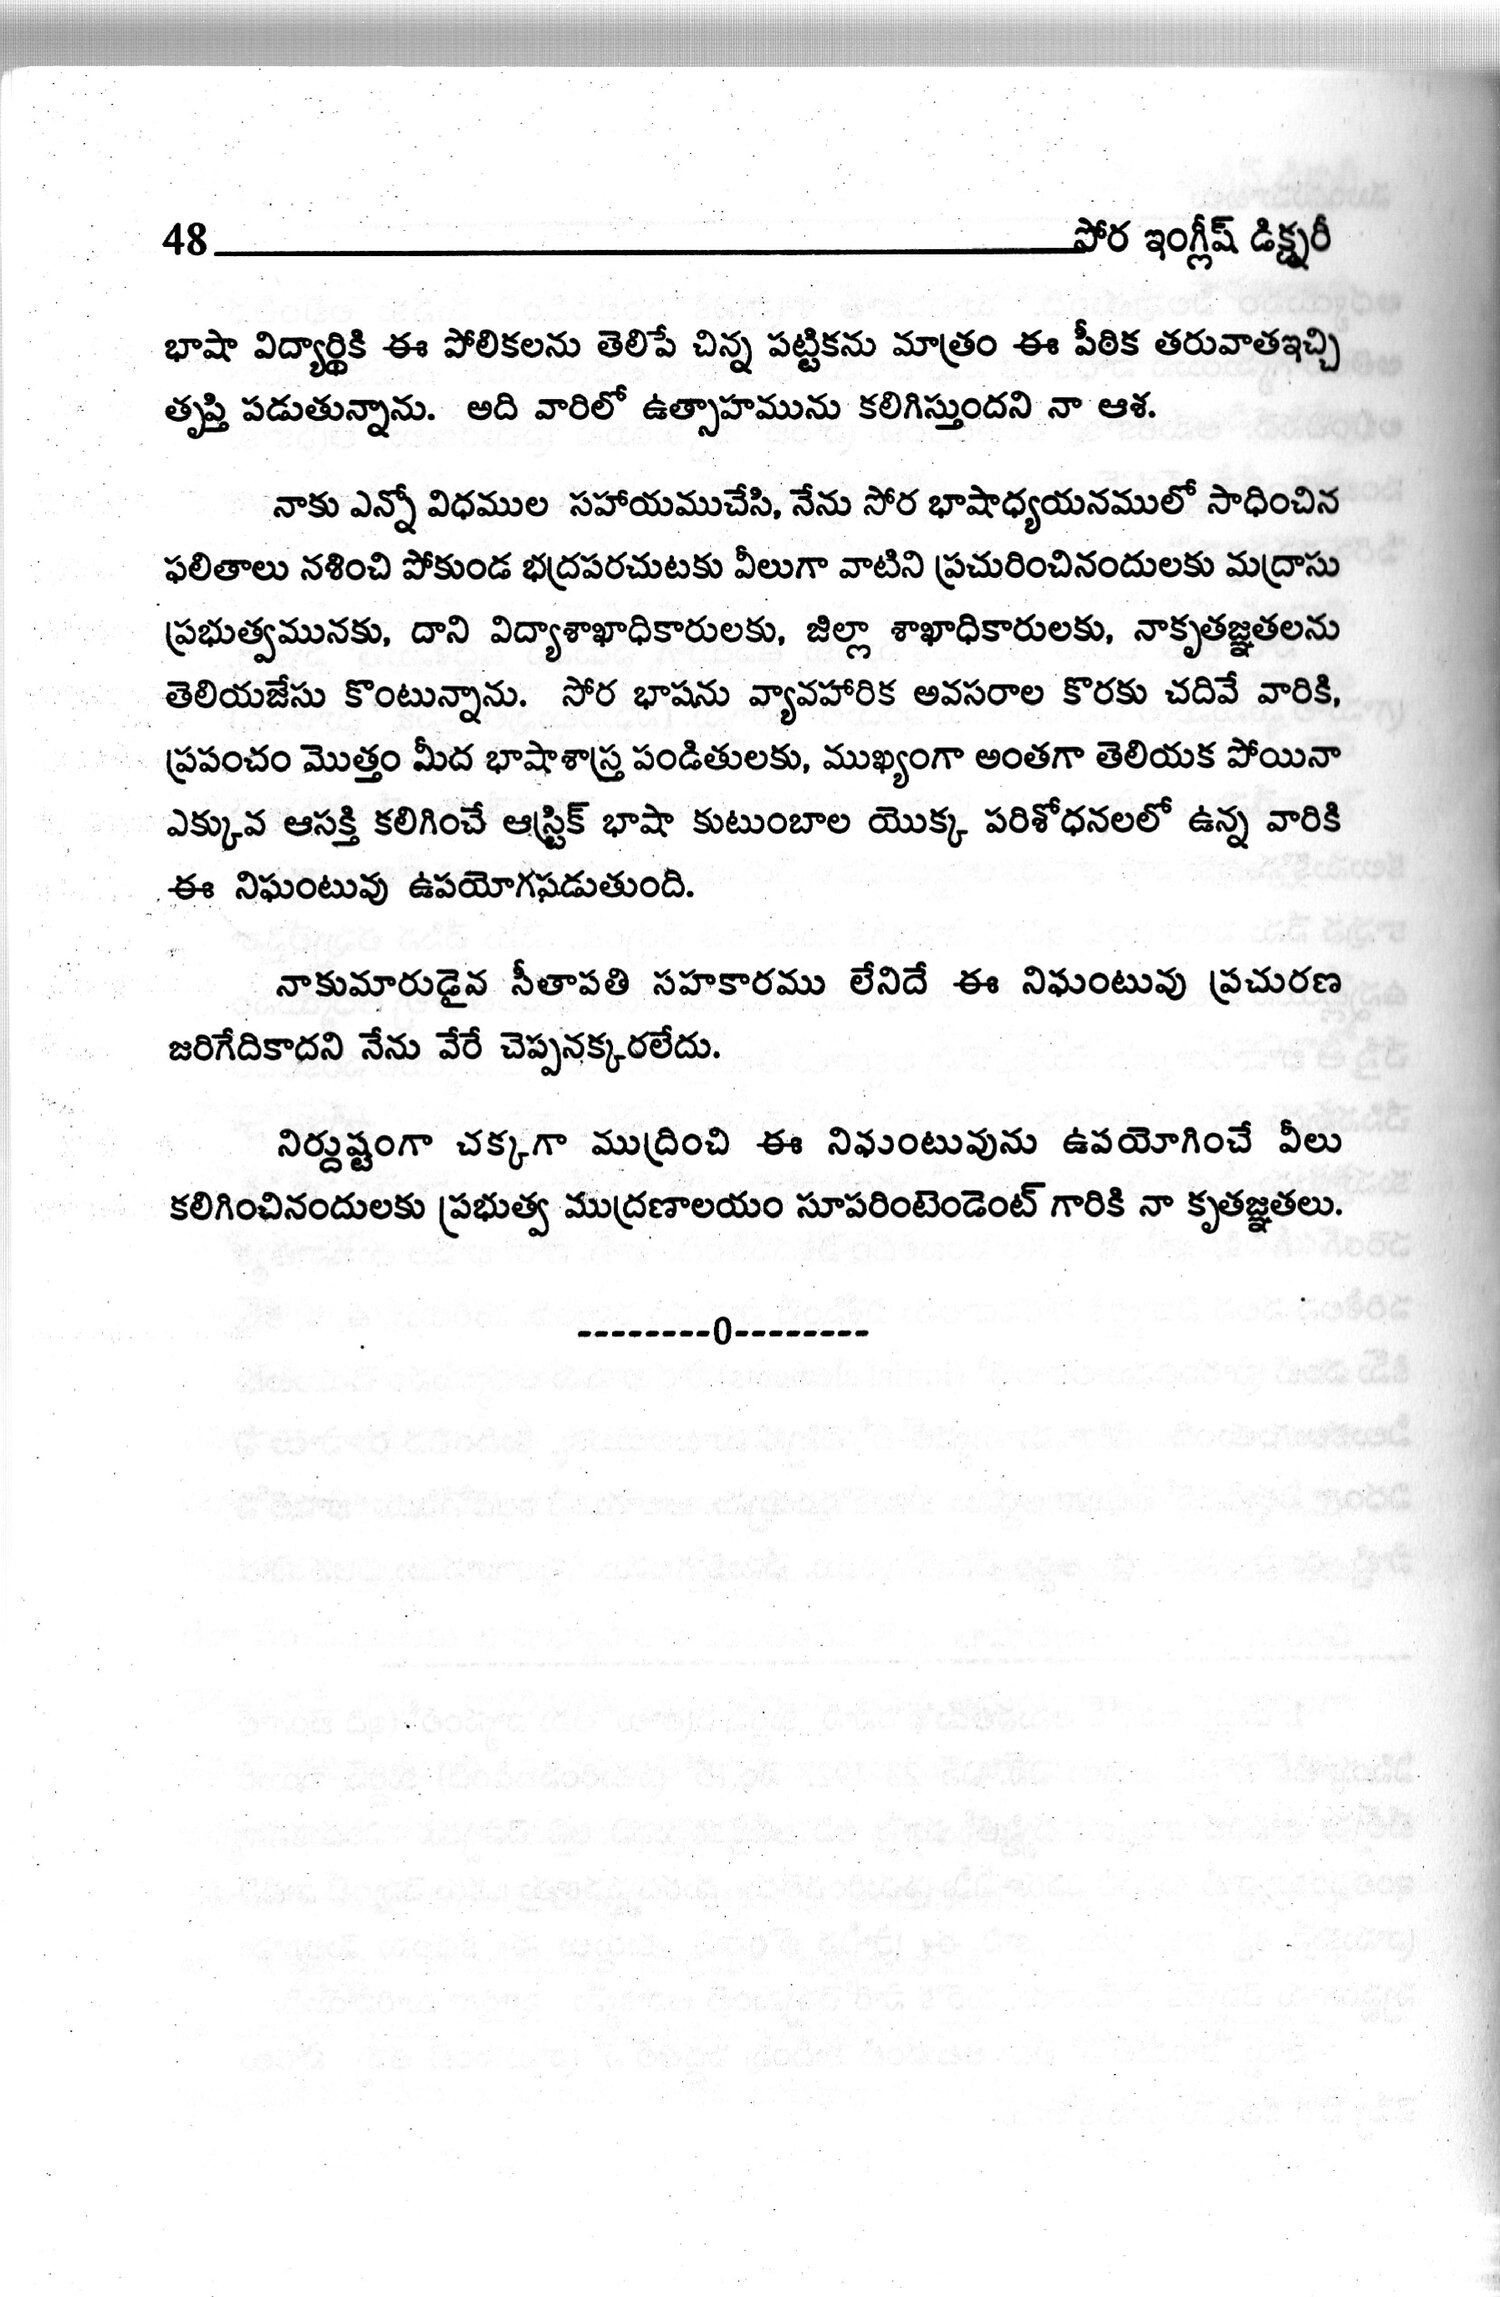భాషా విద్యార్థికి ఈ పోలికలను తెలిపే చిన్న పట్టికను మాత్రం ఈ పీఠిక తరువాత ఇచ్చి తృప్తి పడుతున్నాను. అది వారిలో ఉత్సాహమును కలిగిస్తుందని నా ఆశ.

నాకు ఎన్నో విధముల సహాయముచేసి, నేను సోర భాషాధ్యయనములో సాధించిన ఫలితాలు నశించి పోకుండ భద్రపరచుటకు వీలుగా వాటిని ప్రచురించినందులకు మద్రాసు ప్రభుత్వమునకు, దాని విద్యాశాఖాధికారులకు, జిల్లా శాఖాధికారులకు, నాకృతజ్ఞతలను తెలియజేసు కొంటున్నాను. సోర భాషను వ్యావహారిక అవసరాల కొరకు చదివే వారికి, ప్రపంచం మొత్తం మీద భాషాశాస్త్ర పండితులకు, ముఖ్యంగా అంతగా తెలియక పోయినా ఎక్కువ ఆసక్తి కలిగించే ఆస్ట్రిక్ భాషా కుటుంబాల యొక్క పరిశోధనలలో ఉన్న వారికి ఈ నిఘంటువు ఉపయోగపడుతుంది.

నాకుమారుడైన సీతాపతి సహకారము లేనిదే ఈ నిఘంటువు ప్రచురణ జరిగేదికాదని నేను వేరే చెప్పనక్కరలేదు.

నిర్దుష్టంగా చక్కగా ముద్రించి ఈ నిఘంటువును ఉపయోగించే వీలు కలిగించినందులకు ప్రభుత్వ ముద్రణాలయం సూపరింటెండెంట్ గారికి నా కృతజ్ఞతలు.